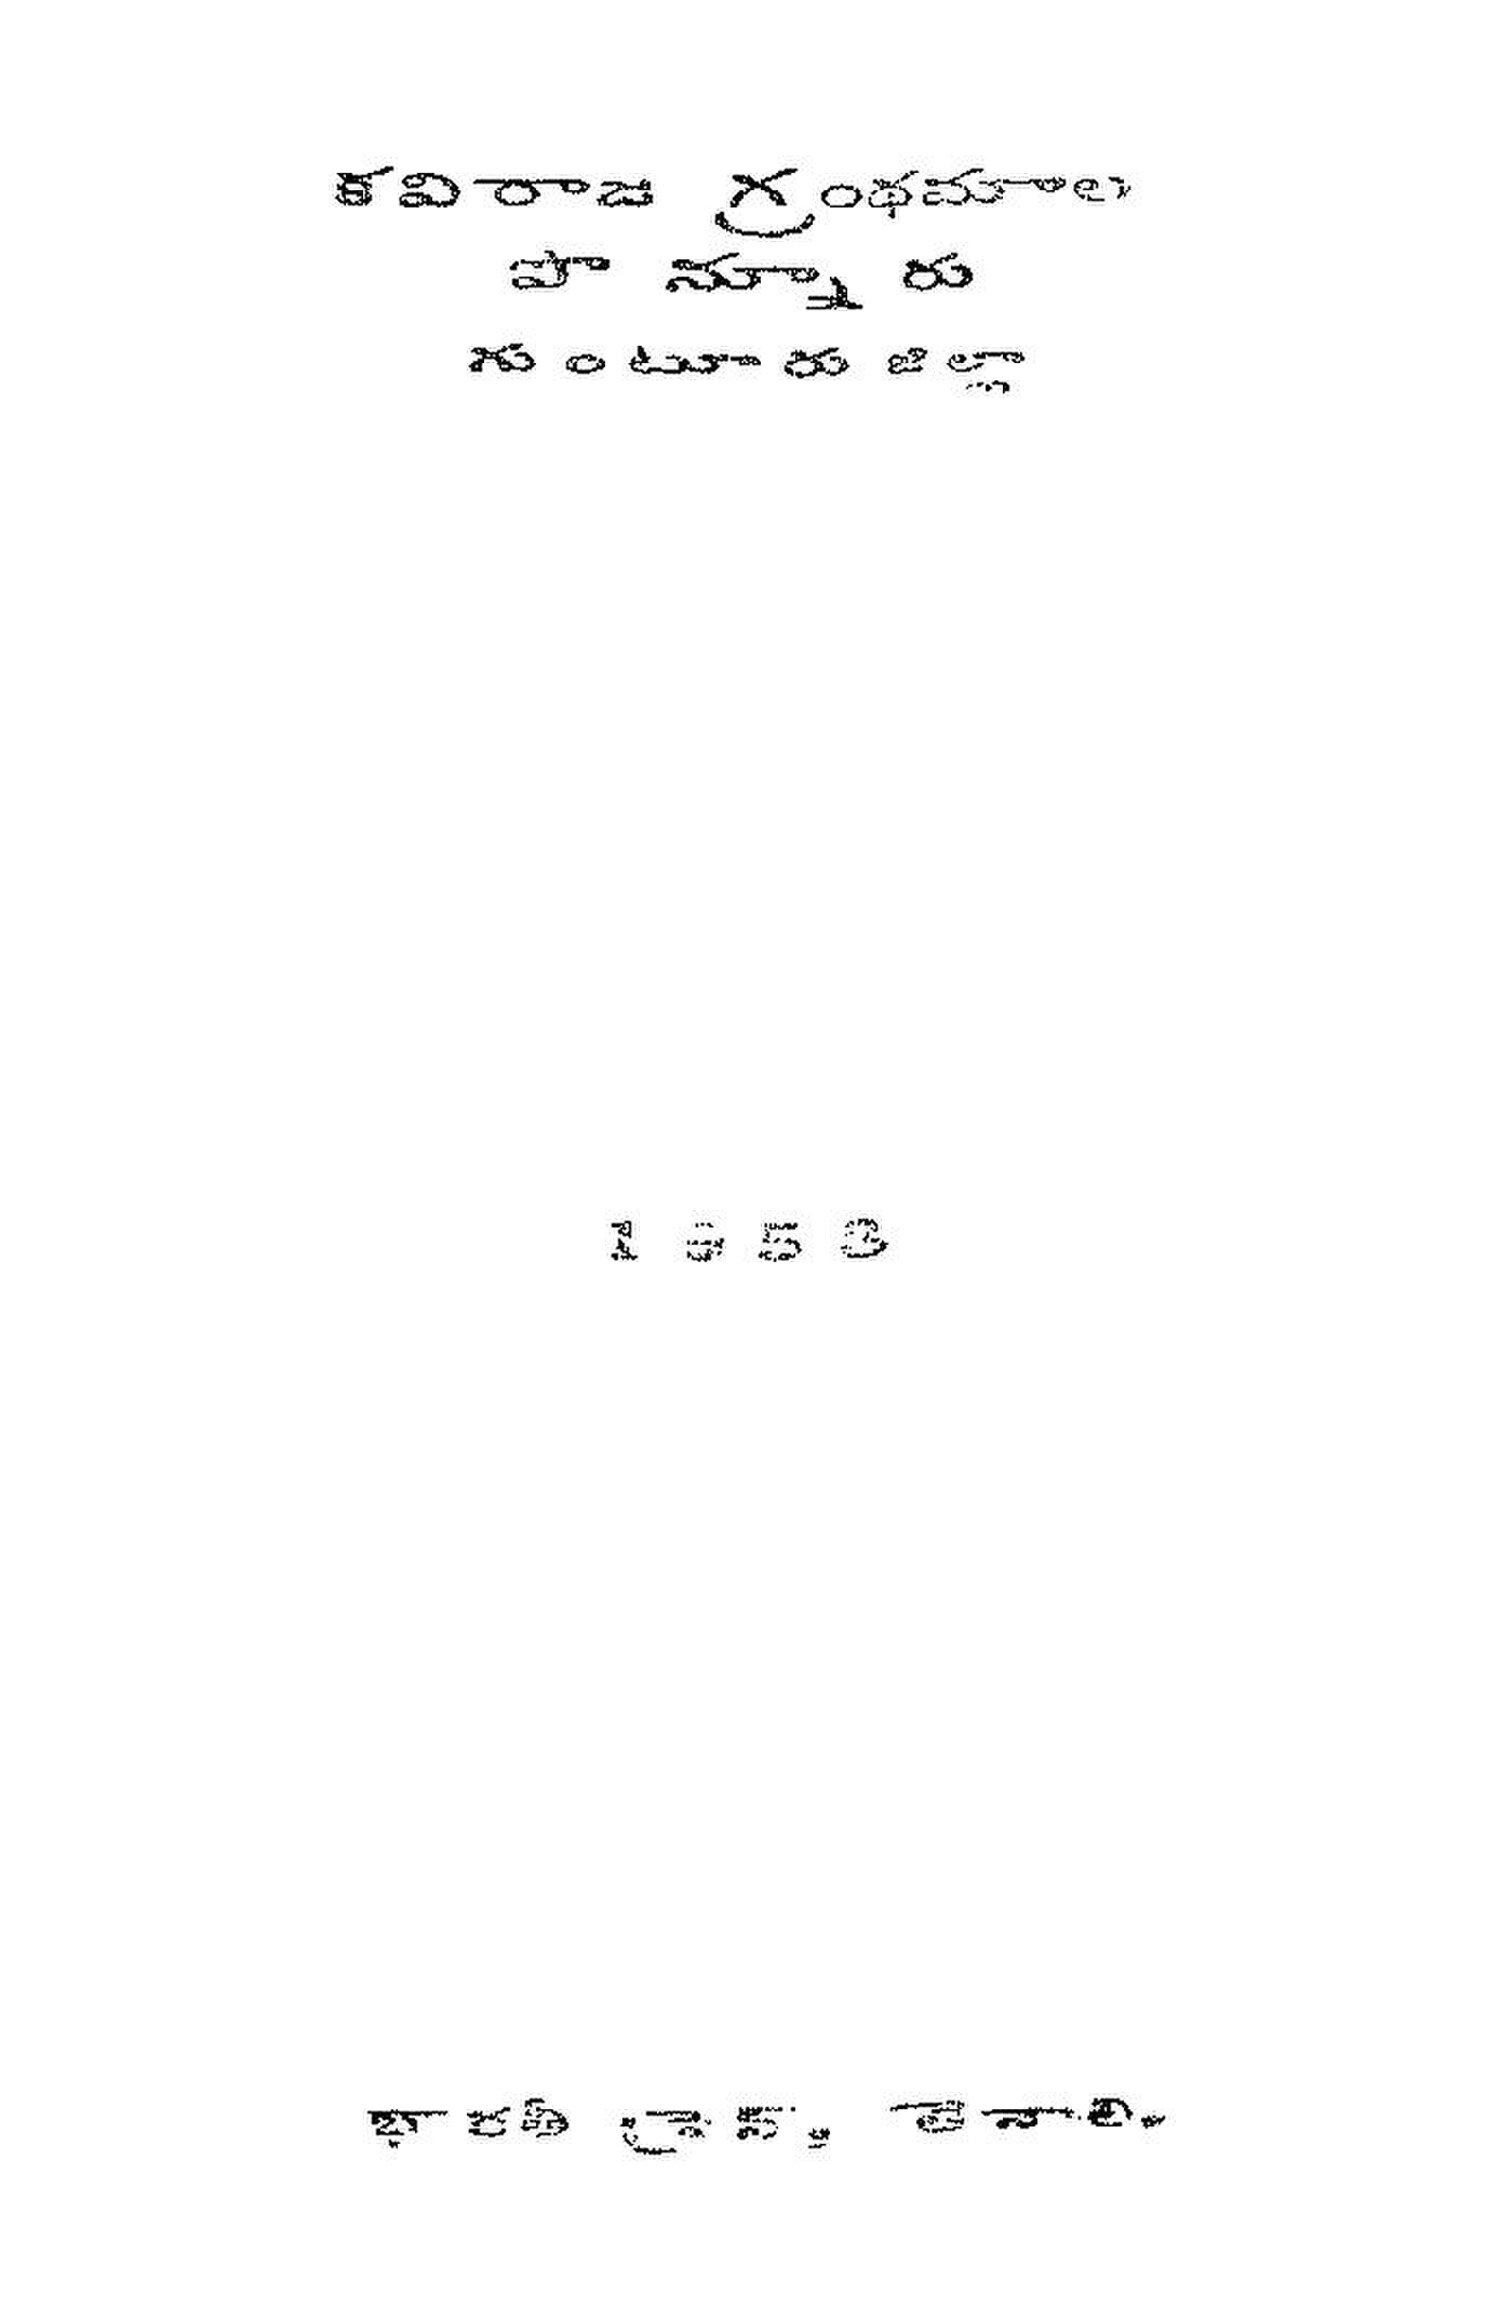కవిరాజ గ్రంథమాల
పొన్నూరు
గుంటూరుజిల్లా

1958

భారతీ ప్రెస్, తెనాలి.